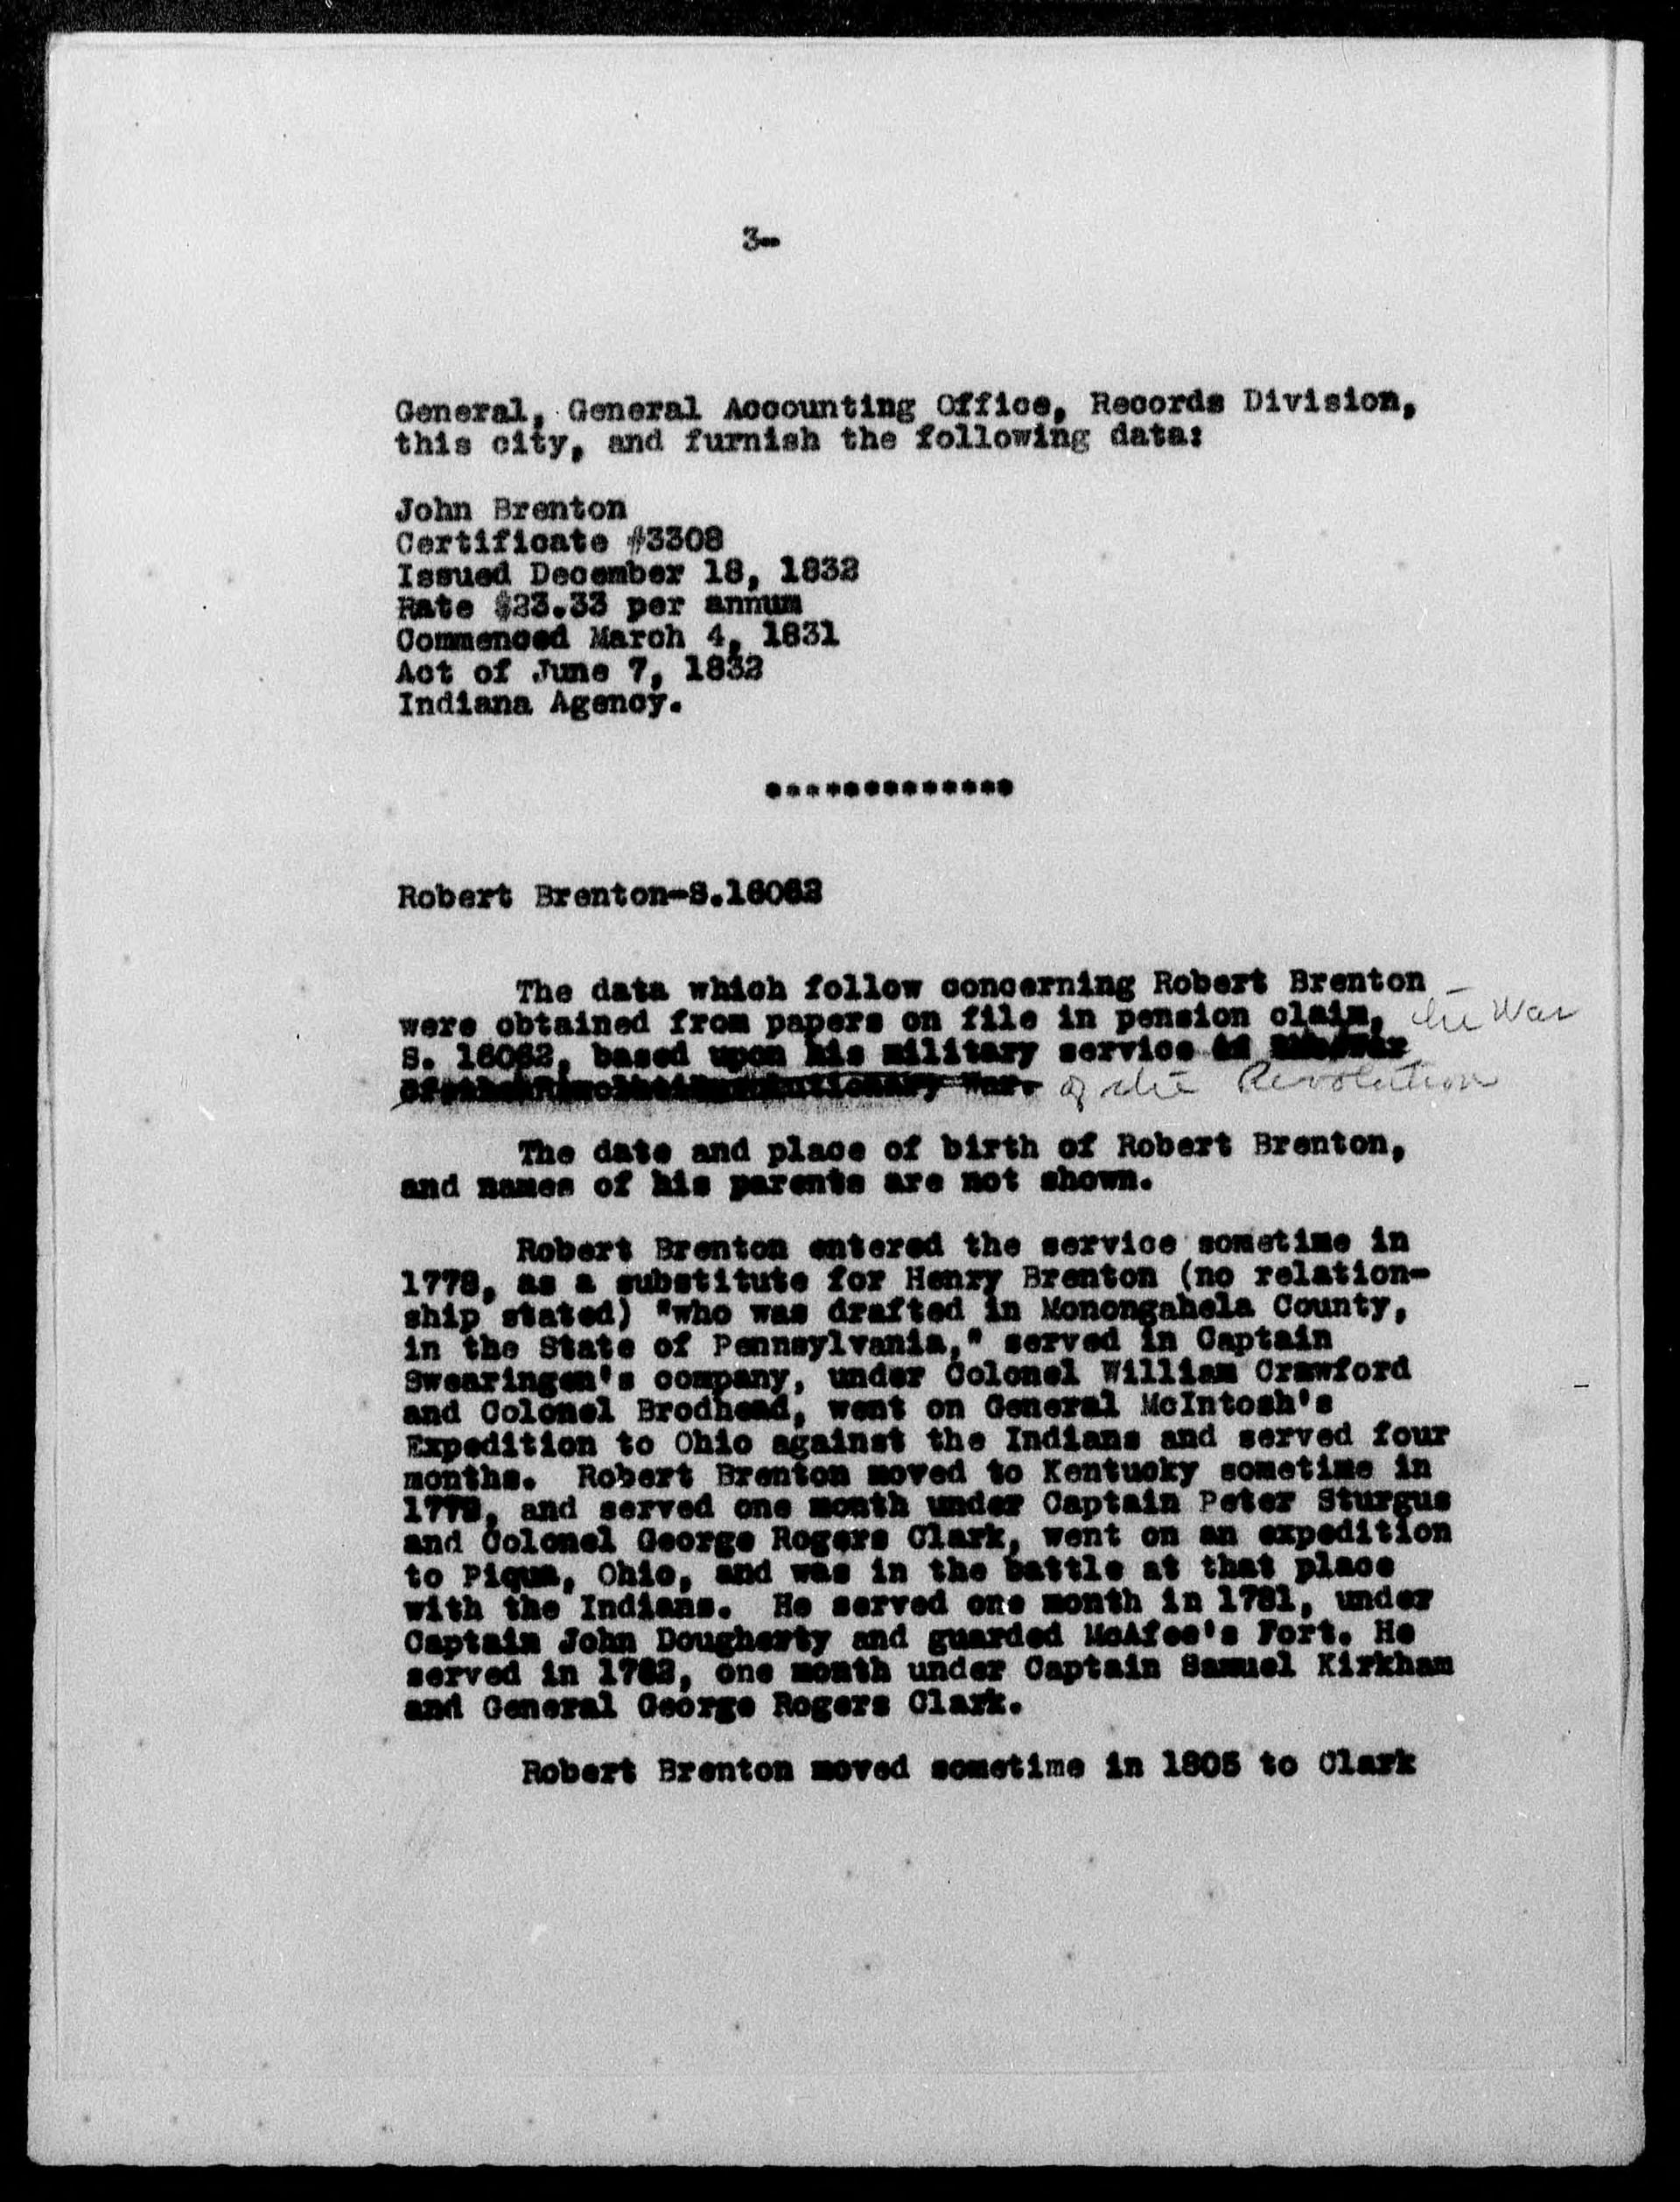[page] 3-

General, General Accounting Office, Records Division, this City, and furnish the following data:
John Brenton
Certificate #3308
Issued December 18, 1832
Rate $23.33 per annum
Commenced March 4, 1831
Act of June 7, 1832
Indiana Agency.
*******************
Robert Brenton-S.16062
The data which follow concerning Robert Brenton were obtained from papers on file in pension claim S.16062, based upon his military service in the War of the Revolution.
The date and place of birth of Robert Brenton, and names of his parents are not shown.
Robert Brenton entered the service sometime in 1778, as a substitute for Henry Brenton (no relationship stated) "who was drafted in Monogahela County, in the State of Pennsylvania," served in Captain Swearingen's company, under Colonel William Crawford and Colonel Brodhead, went on General McIntosh's Expedition to Ohio against the Indians and served four months. Robert Brenton moved to Kentucky sometime in 1778, and served one month under Captain Peter Sturgis and Colonel George Rogers Clark, went on an expedition to Piqua, Ohio, and was in the battle at that place with the Indians. He served one month in 1781, under Captain John Dougherty and guarded McAfee's Fort, He served in 1782, one month under Captain Samuel Kirkham and General George Rogers Clark.
Robert Brenton moved sometime in 1805 to Clark County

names: George Rogers Clark, Robert Brenton, Robert Brenton, Henry Brenton, Robert Brenton, Mc Intosh, Robert Brenton, Brodhead, John Dougherty, Samuel Kirkham, William Crawford, John Brenton, George Rogers Clark, Robert Brenton, Peter Sturgus, Robert Brenton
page: 25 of 26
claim: survivor's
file: S. 16059, John Brenton, Penn. Va.